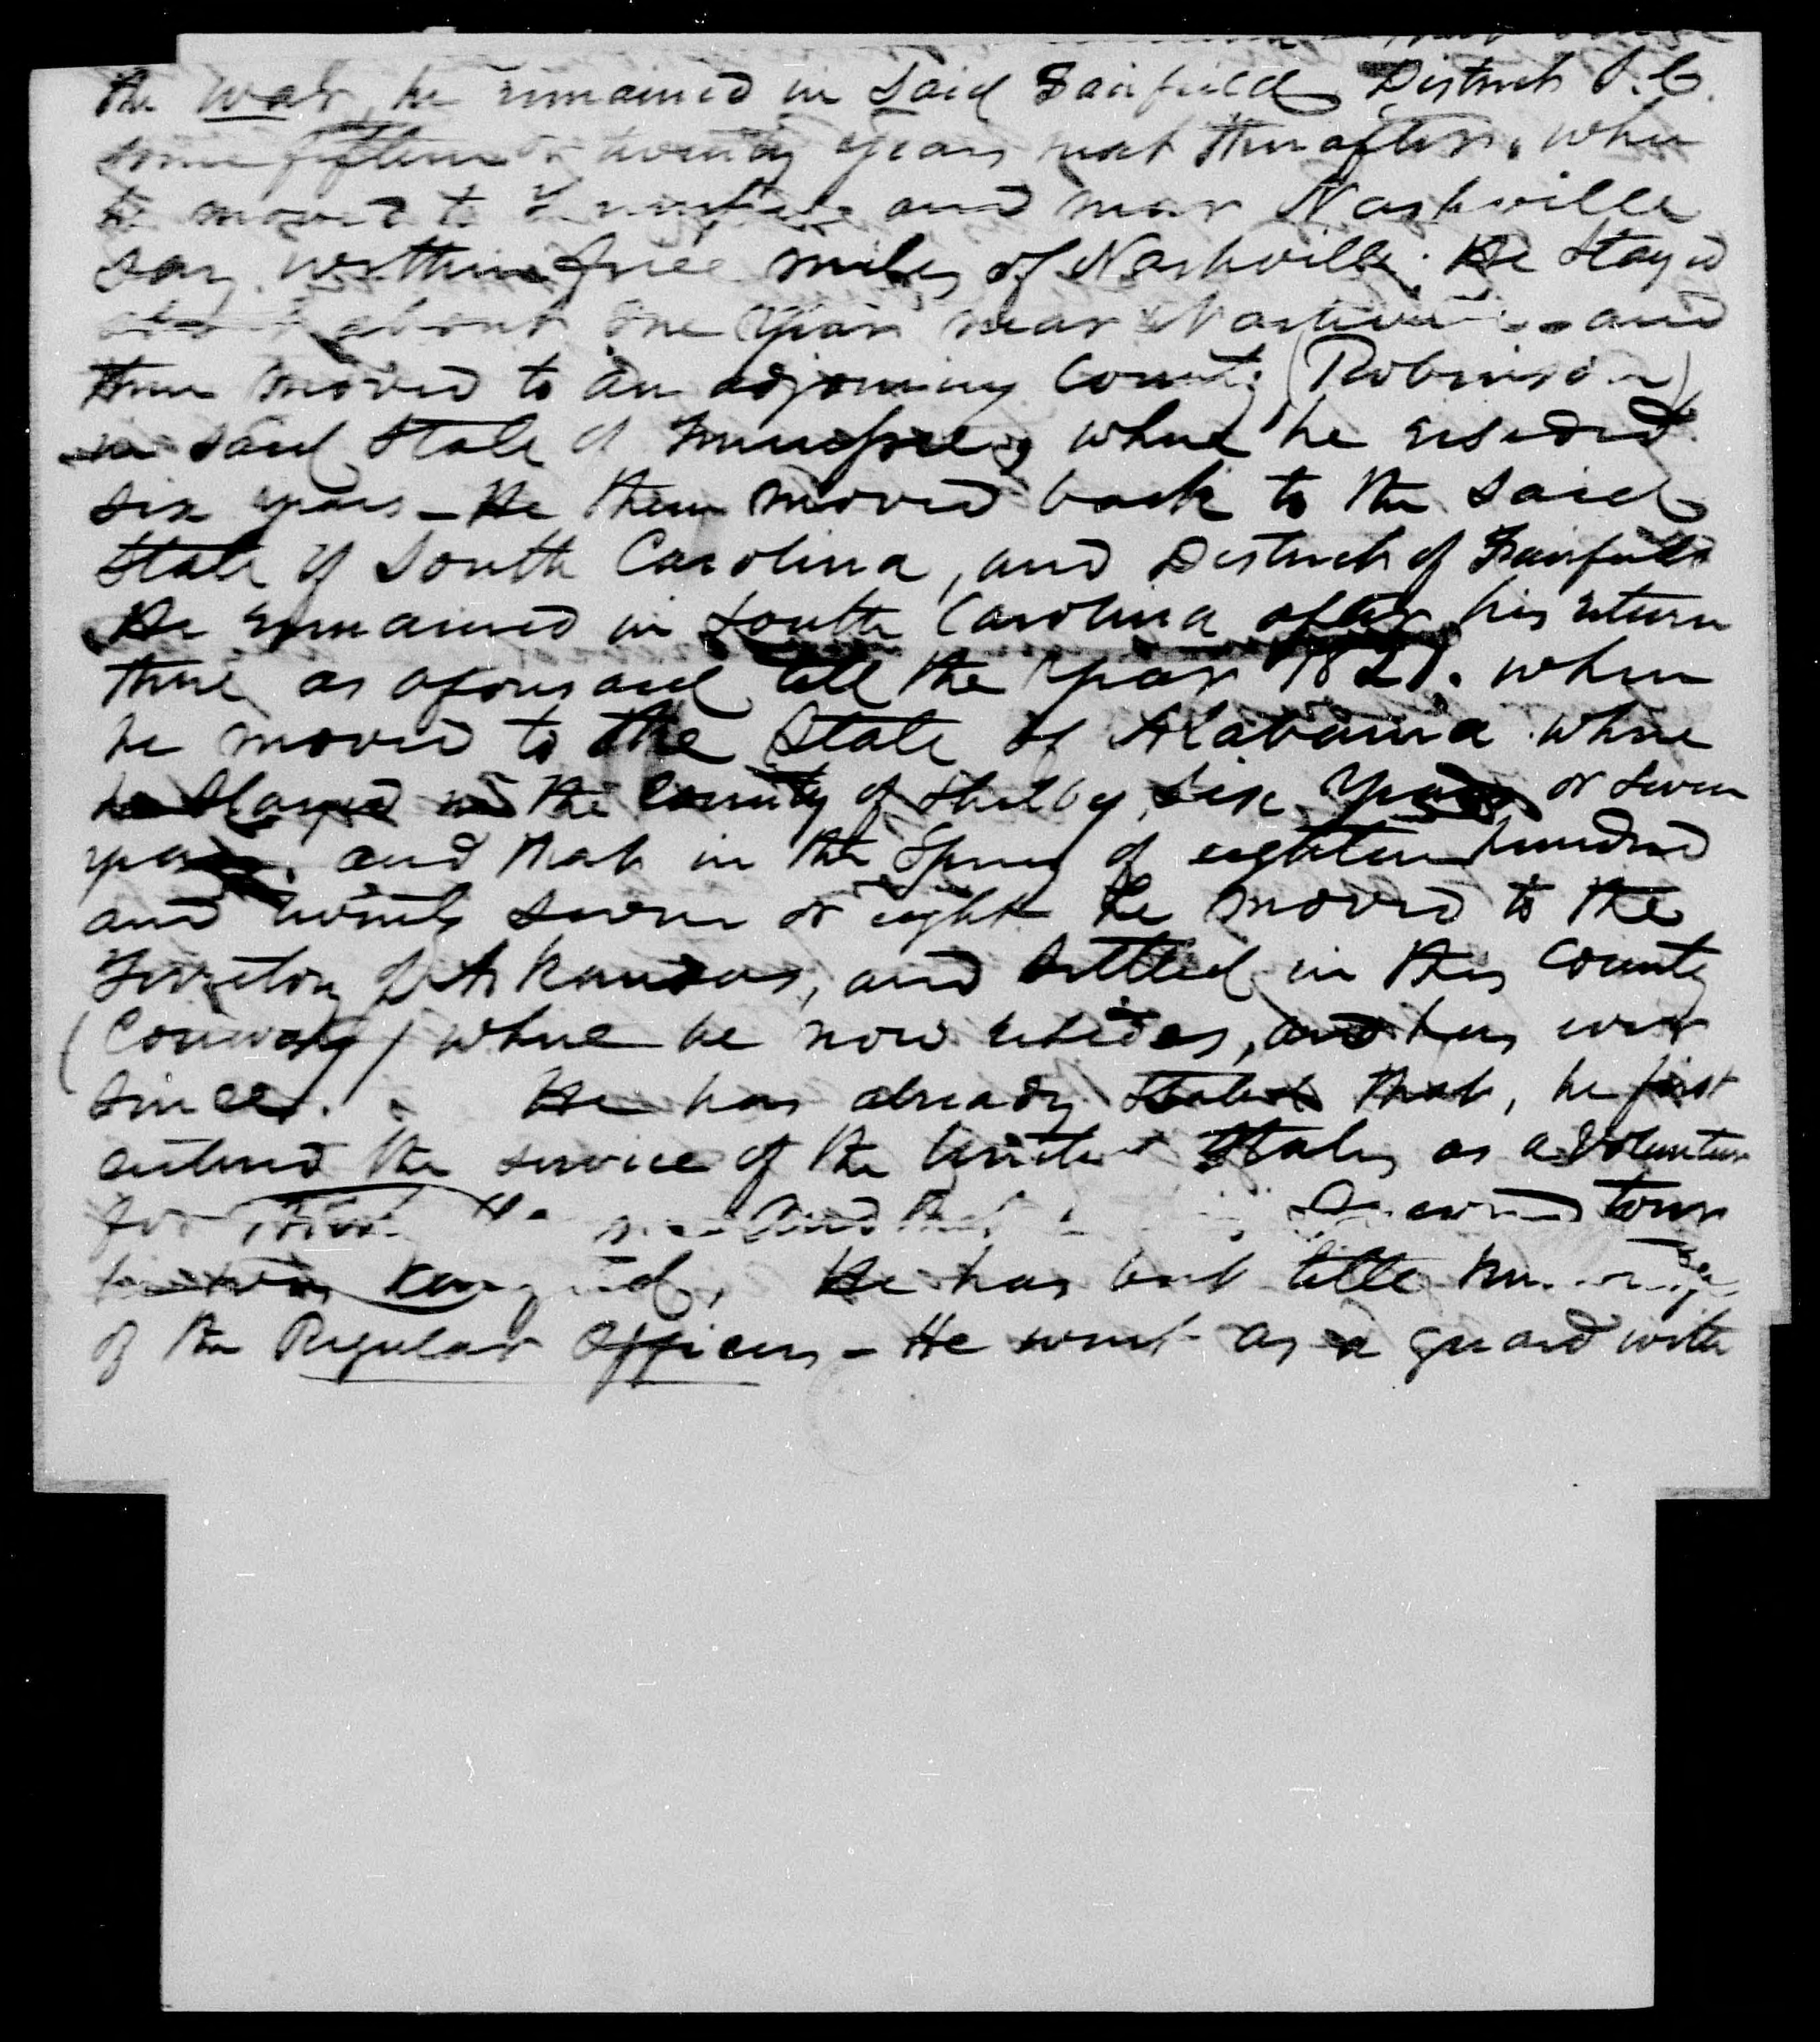the war, he remained in said Fairfield District S.C some fifteen or twenty years most this after, when he moved to Tennessee and near Nashville say within five miles of Nashville.  He stayed at it about one year near Nashville and
then moved to an adjoining County (Robinson)
in said state of Tennessee, where he resided six years. He then moved back to the said State of South Carolina, and District of Fairfield  He remained in South Carolina after his return there as aforesaid till the year 1821. when
he moved to the State of Alabama where he stayed in the County of Shelby six years or seven years.  And that in the spring of eighteen hundred and twenty seven or eight he moved to the Territory of Arkansas, and settled in this County (Conway) where he now resides, and has ever since.  He has already stated that, he first entered the service of the United States as a volunteer for think [illegible two words] and that [illegible] [illegible] tour from was Fairfield.  He has but little memory of the Regular Officers. He went as a guard with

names: [BLANK] Robinson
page: 8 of 28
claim: rejected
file: R. 7846, for Benjamin Owens, South Carolina